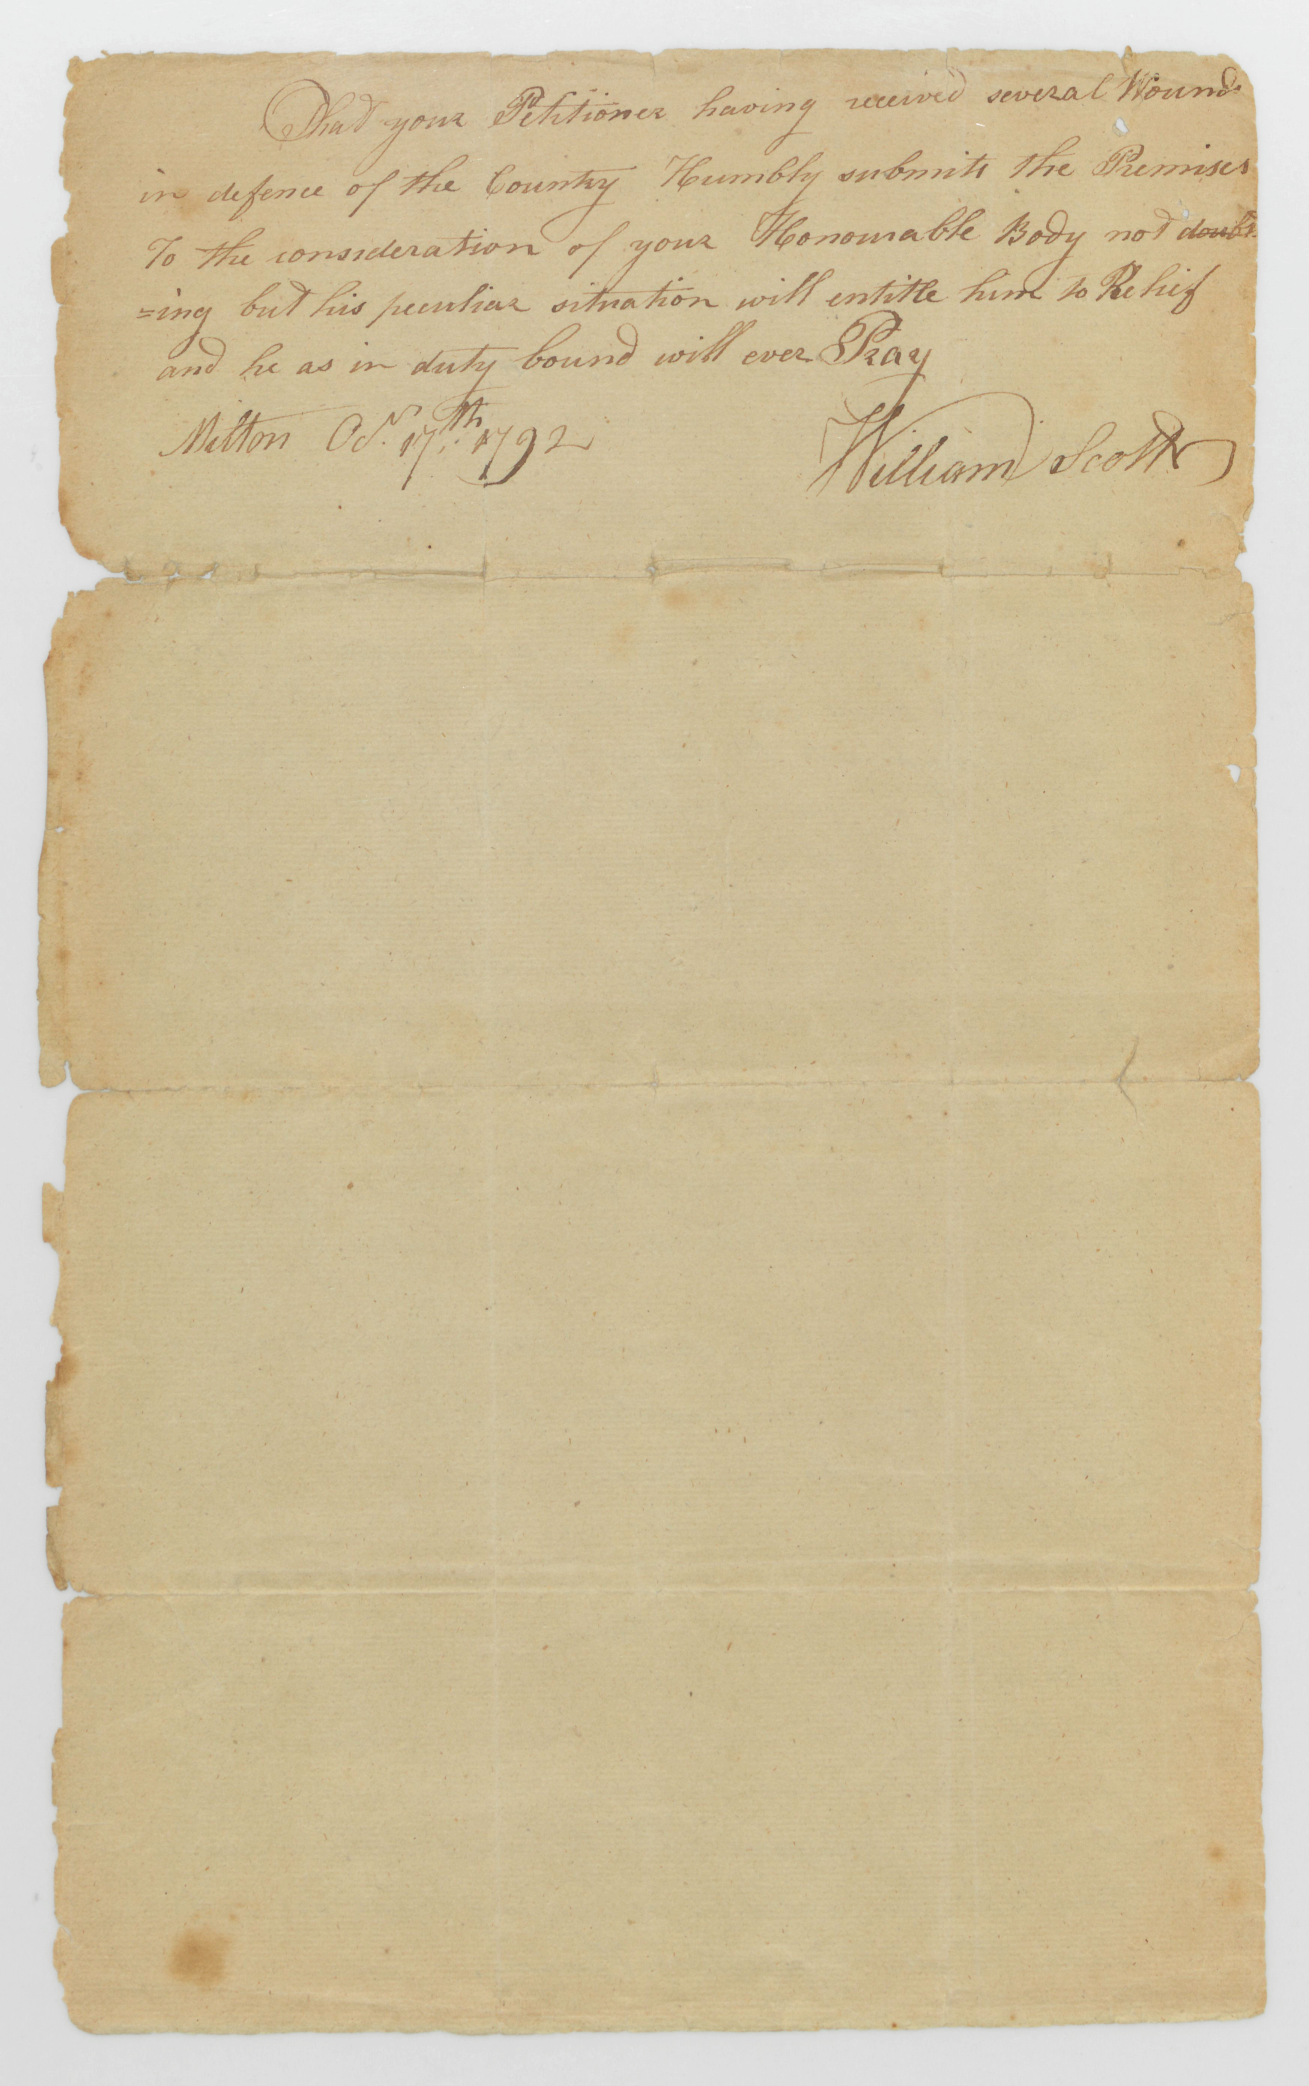That your Petitioner having received several Wounds in defense of the Country Humbly submits the Premises to the consideration of your Honorable Body not doubting but his peculiar situation will entitle him to Relief and he as in duty bound will ever Stay
William Scott
Milton Oct. 17th 1792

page: 2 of 2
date: 1792-10-17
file: Petition of William Scott, Late a Major in the New Hampshire Line, Addressed to Congress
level: item